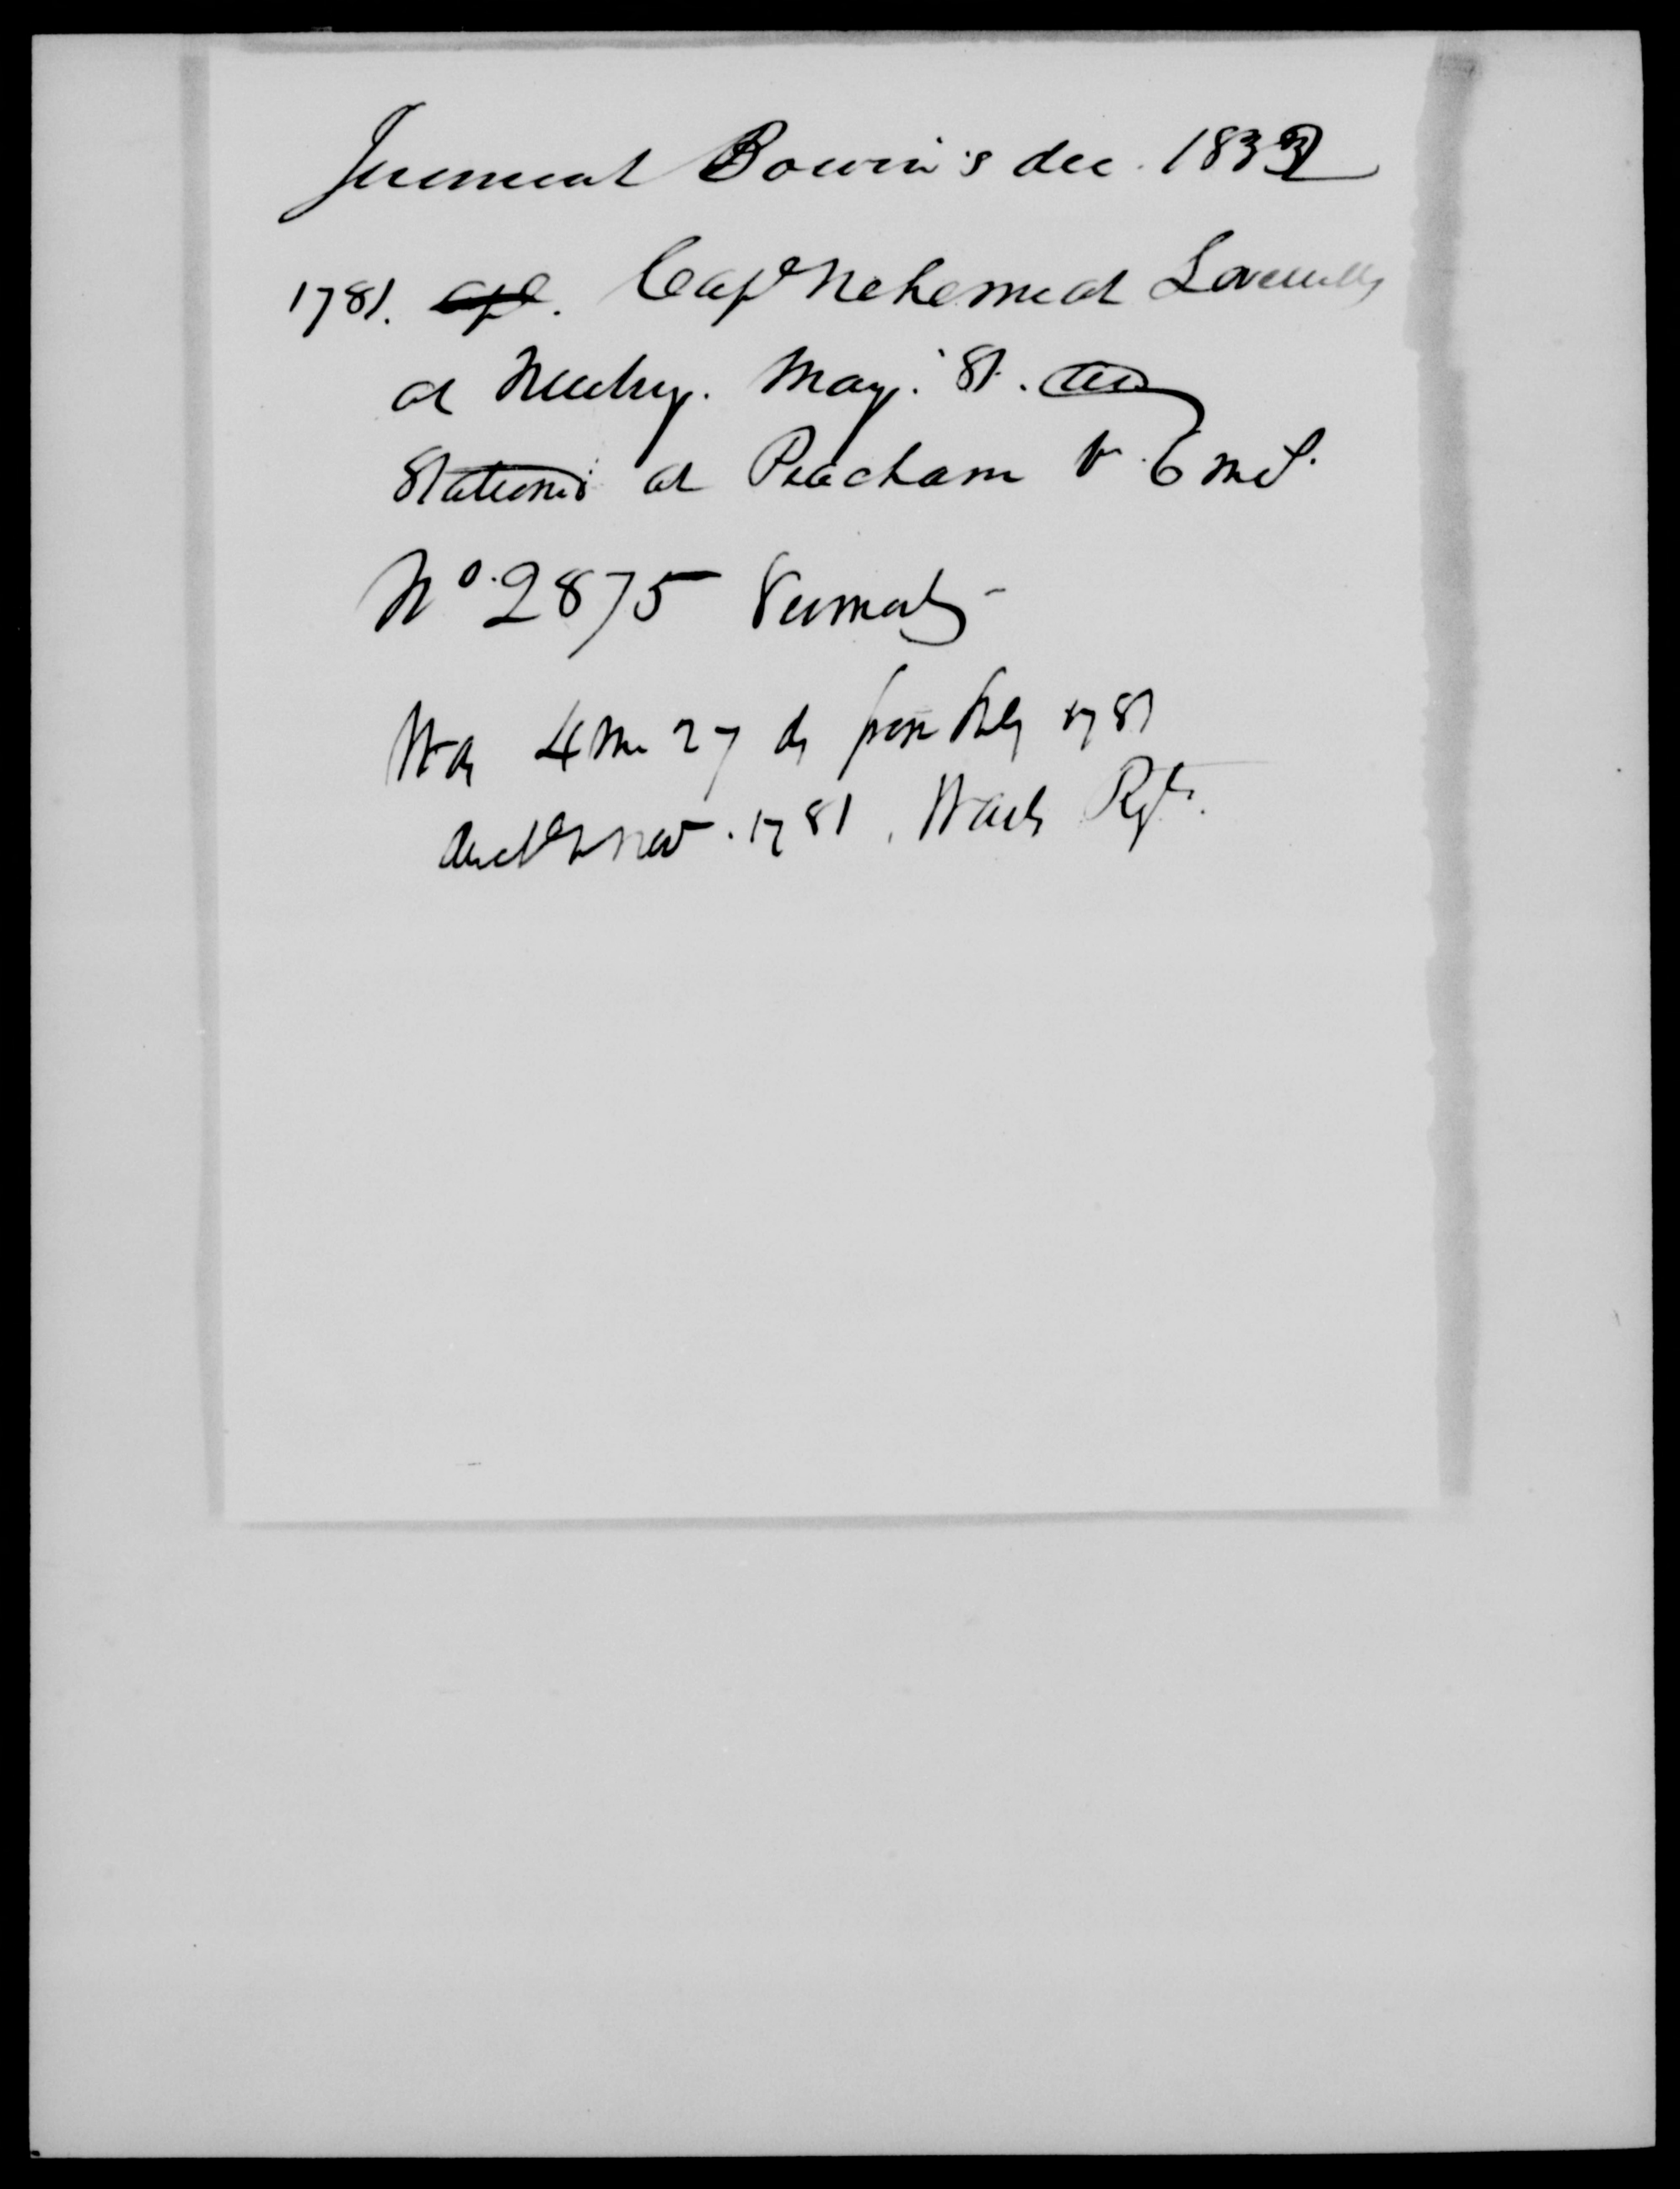Jeremiah Bowen's dec. 1832
1781 Capt. Nehemiah Loverrell
at (illegible) May '81
Stationed at Peacham fr. 6 mos.
No. 2875 Vermont
War 4 Mo 27 ds pen reg by 87
Act (illegible) 1781 (illegible).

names: Nehemiah Loverrell; Jeremiah Bowin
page: 17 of 46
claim: widow's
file: W. 24976, for Daniel Skinner, New Hampshire